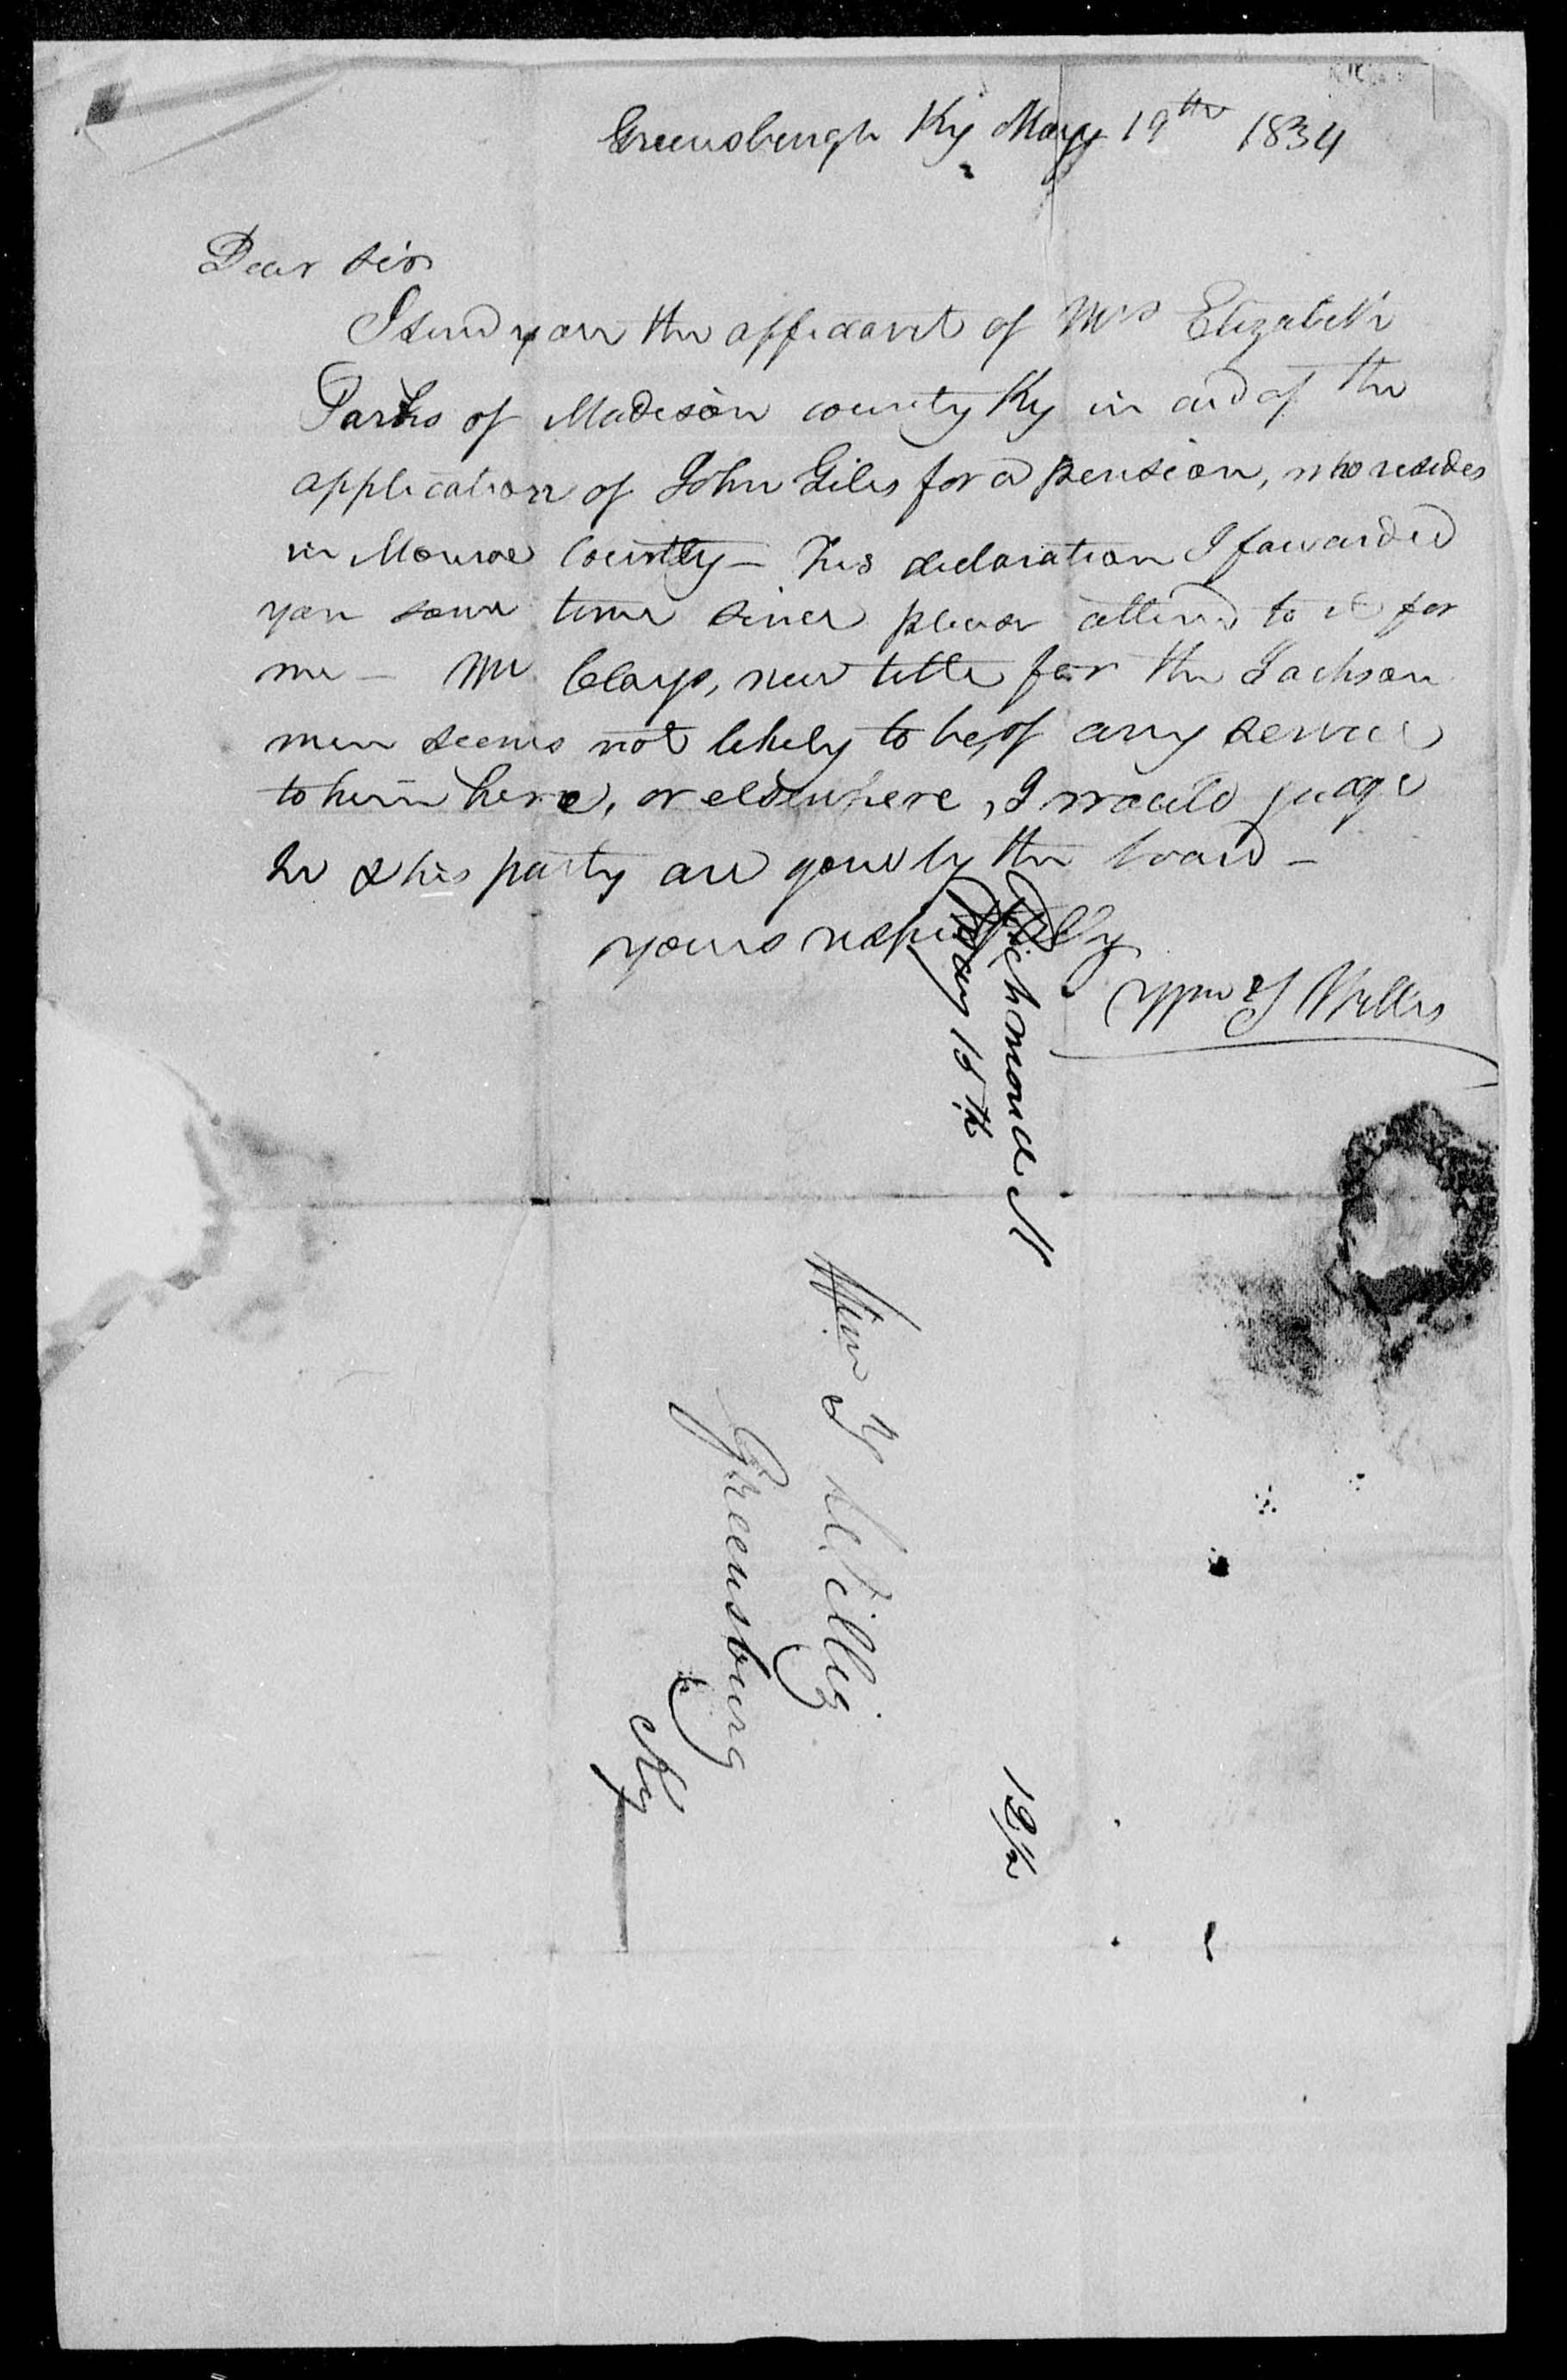Greensburgh Ky May 19th 1834

Dear Sir

I send you the affidavit of Mrs Elizabeth Parks of Madison County Ky in and of
the application of John Giles for a pension, who resides in Monroe County - his declaration I forwarded you some time since please attend to it for me. 
Clays, new title for the Jackson men seems not likely to be of any service to him here, or elsewhere, I would judge him & his party are your by the board
yours respectfully
month
Wm Wills
Greensburg
Ky

Vertical:
Richmond JL
May 15th


12 1/2
Wm Y Willis
Greensburg
Ky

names: John Giles, Wm T Willis, Clays, Wm T Willis, Elizabeth Parks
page: 56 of 82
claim: widow's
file: W. 7,522, John Giles, N.C.